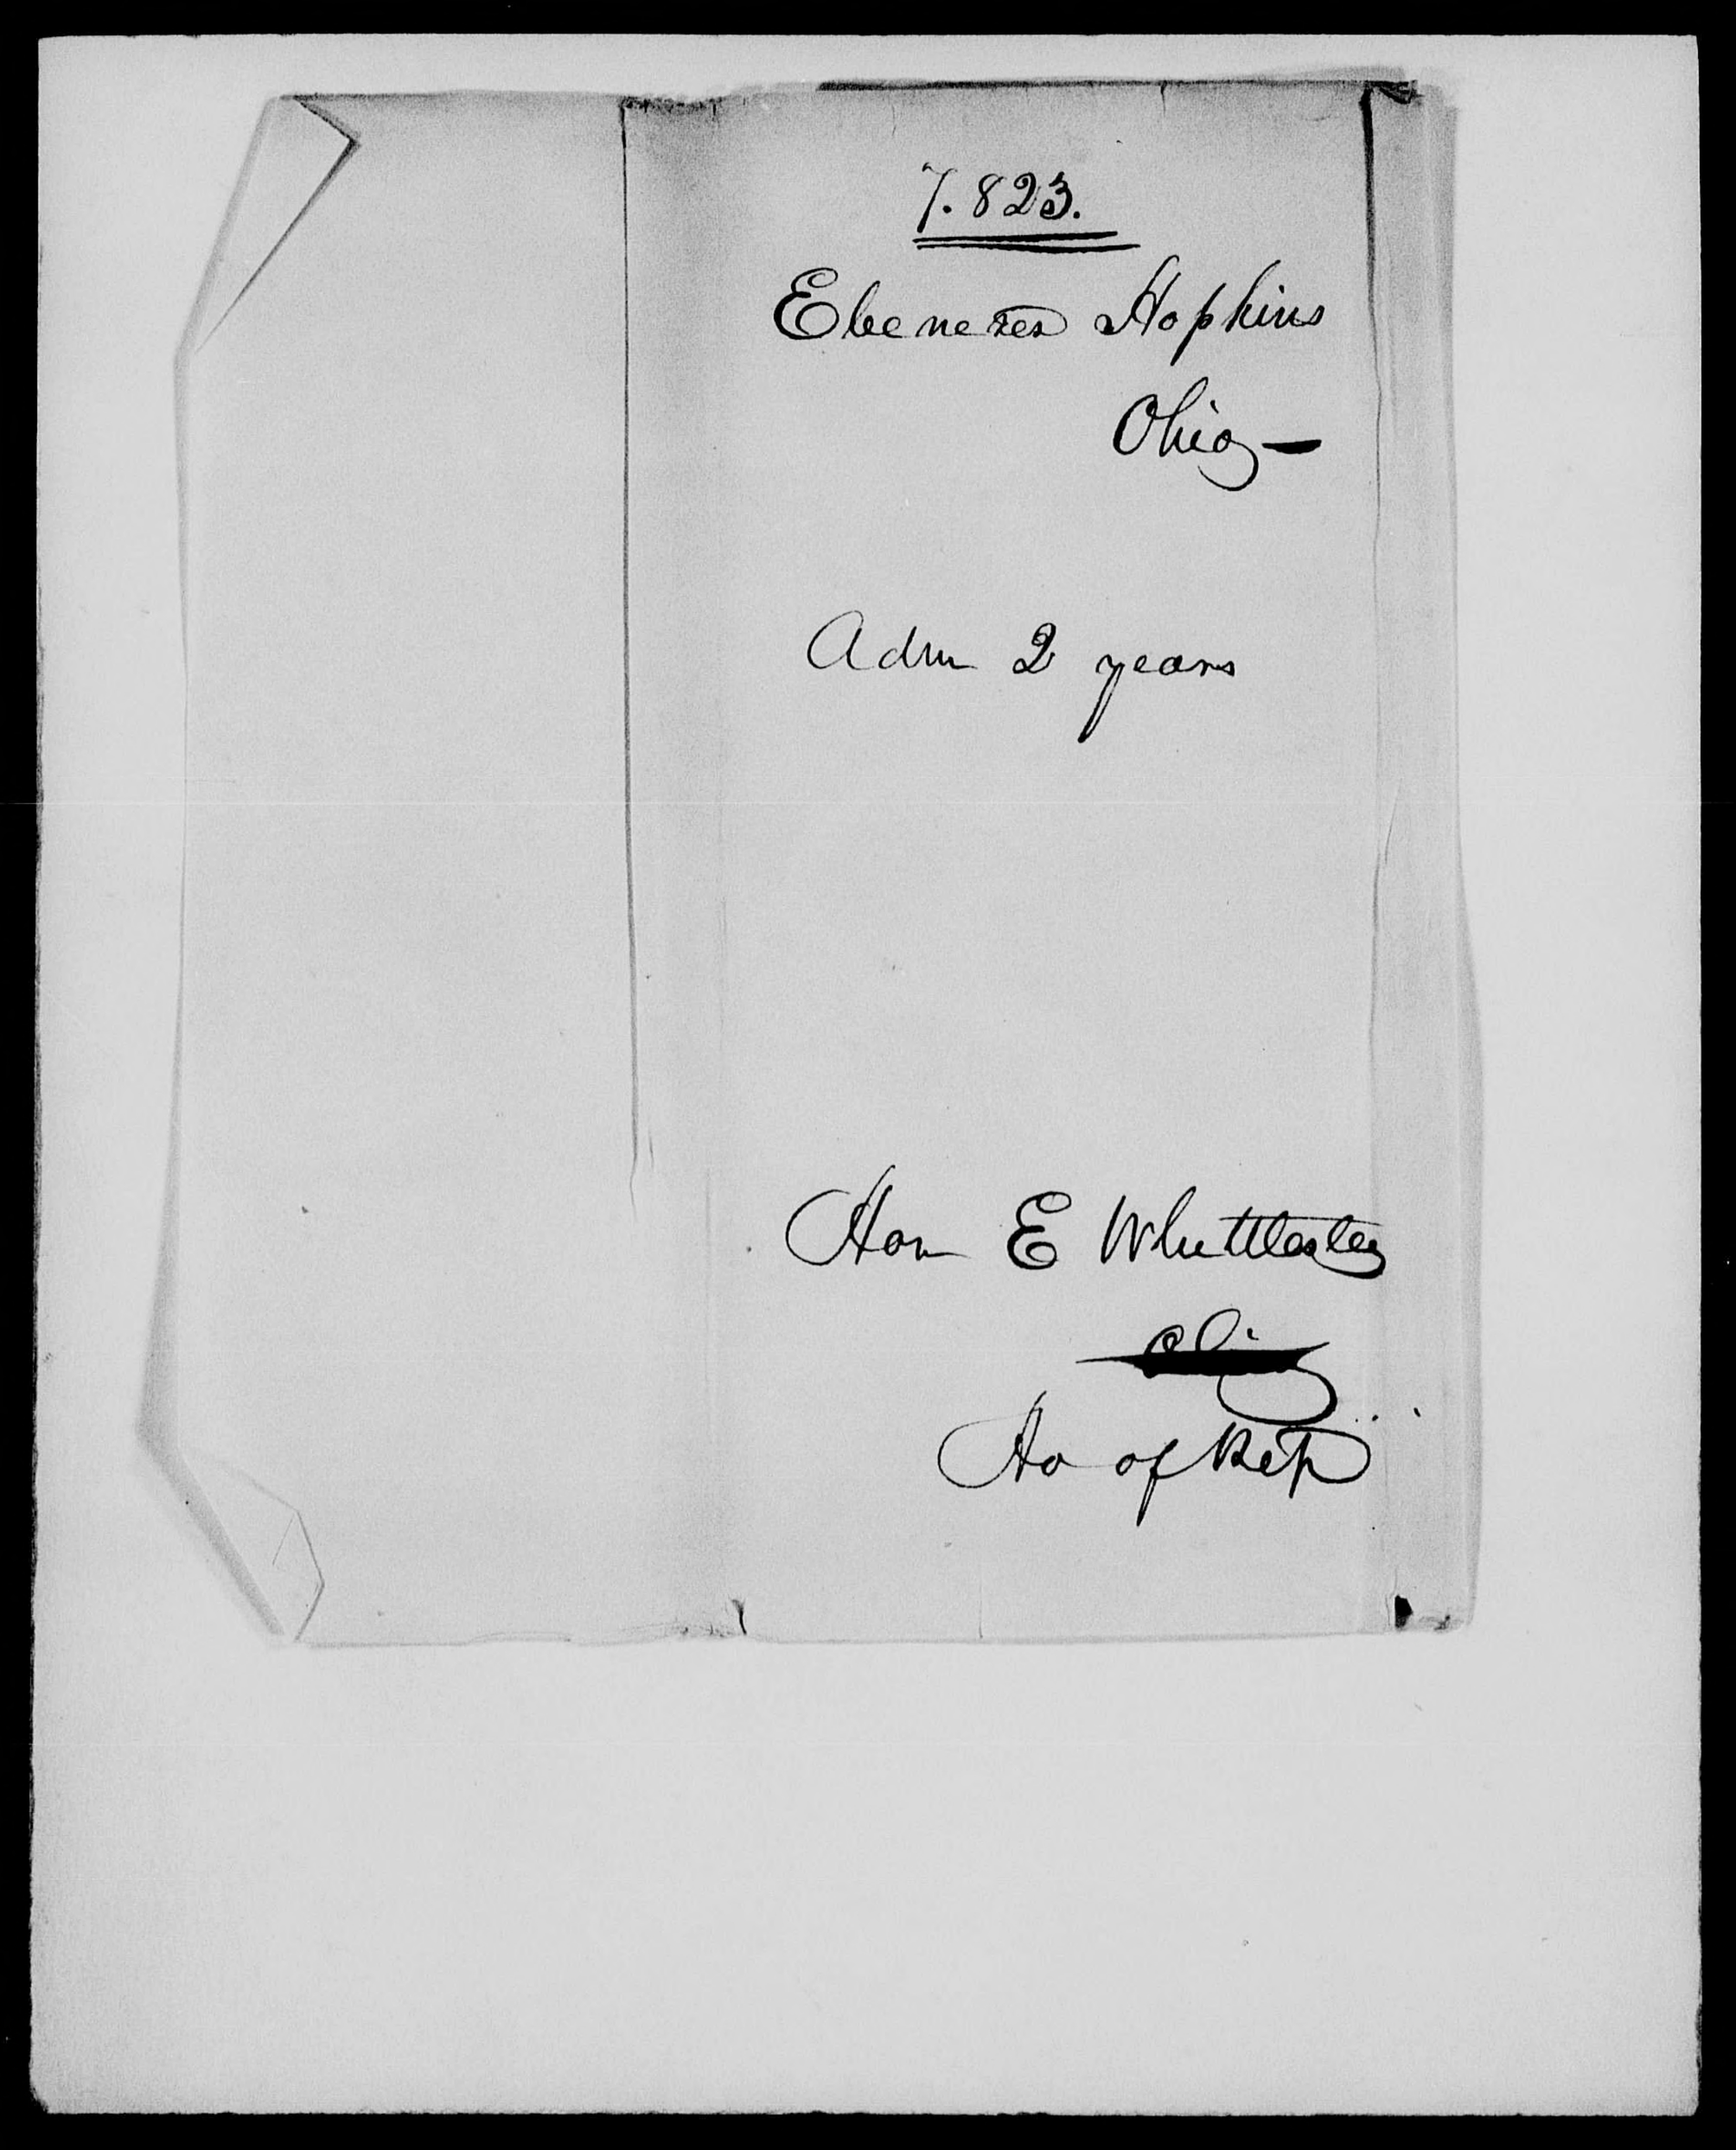7.823.
Ebenezer Hopkins
Ohio-
Adm 2 years

Hon E Whittlesey
Ho of Rep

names: Ebenezer Hopkins, E Whittlesley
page: 93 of 144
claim: rejected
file: R. 5208, Dennis Hopkins, N.C.